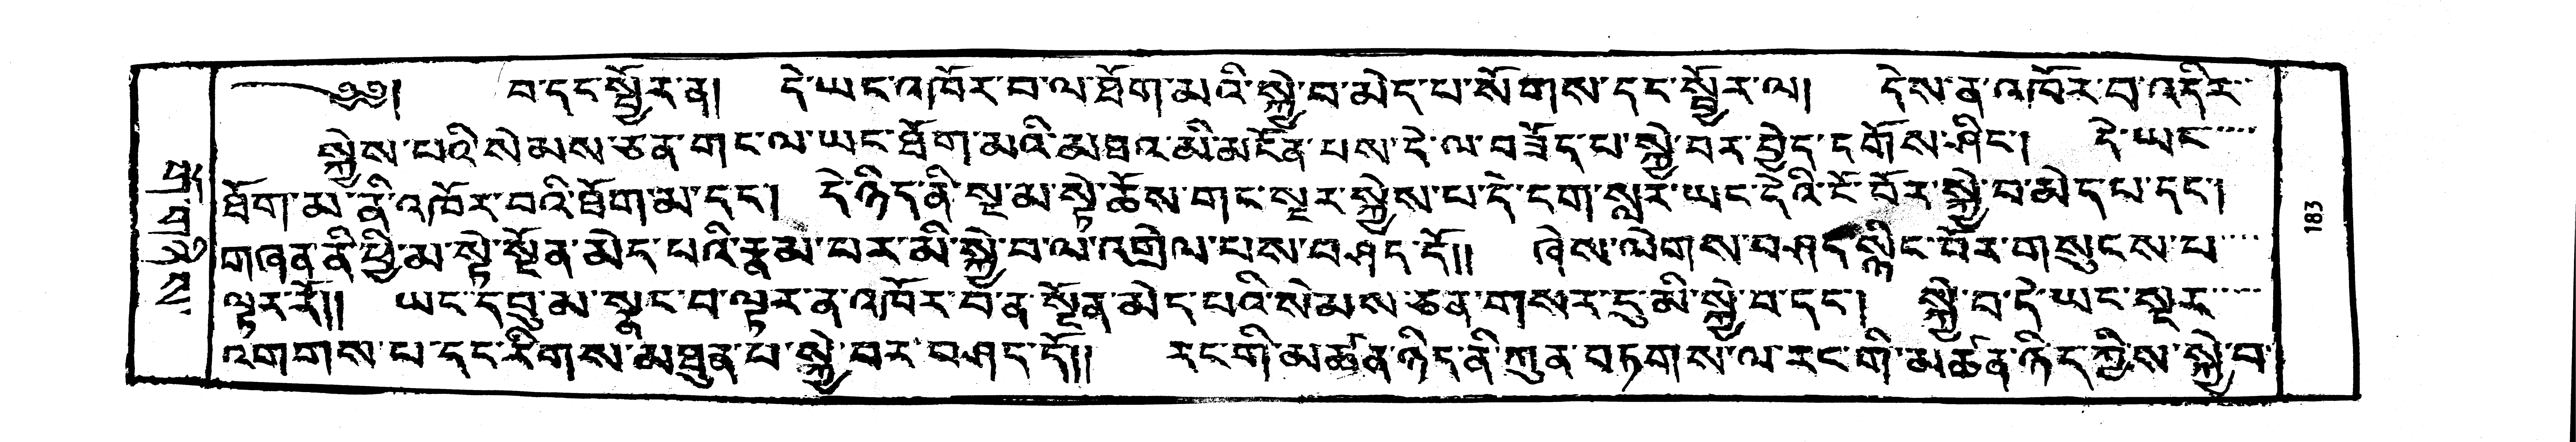༄༅། །བ་དང་སྦྱོར་ན། དེ་ཡང་འཁོར་བ་ལ་ཐོག་མའི་སྐྱེ་བ་མེད་པ་སོགས་དང་སྦྱོར་ལ། དེས་ན་འཁོར་བ་འདིར་
སྐྱེས་པའི་སེམས་ཅན་གང་ལ་ཡང་ཐོག་མའི་མཐའ་མི་མངོན་པས་དེ་ལ་བཟོད་པ་སྐྱེ་བར་བྱེད་དགོས་ཤིང་། དེ་ཡང་
ཐོག་མ་ནི་འཁོར་བའི་ཐོག་མ་དང་། དེ་ཉིད་ནི་སྔ་མ་སྟེ་ཆོས་གང་སྔར་སྐྱེས་པ་དེ་དག་སླར་ཡང་དེའི་ངོ་བོར་སྐྱེ་བ་མེད་པ་དང་།
གཞན་ནི་ཕྱི་མ་སྟེ་སྔོན་མེད་པའི་རྣམ་པར་མི་སྐྱེ་བ་ལ་འགྲེལ་པས་བཤད་དོ། །ཞེས་ལེགས་བཤད་སྙིང་པོར་གསུངས་པ་
ལྟར་རོ། །ཡང་དབུ་མ་སྣང་བ་ལྟར་ན་འཁོར་བ་ན་སྔོན་མེད་པའི་སེམས་ཅན་གསར་དུ་མི་སྐྱེ་བ་དང་། སྐྱེ་བ་དེ་ཡང་སྔར་
འགགས་པ་དང་རིགས་མཐུན་པ་སྐྱེ་བར་བཤད་དོ། །རང་གི་མཚན་ཉིད་ནི་ཀུན་བཏགས་ལ་རང་གི་མཚན་ཉིད་ཀྱིས་སྐྱེ་བ་